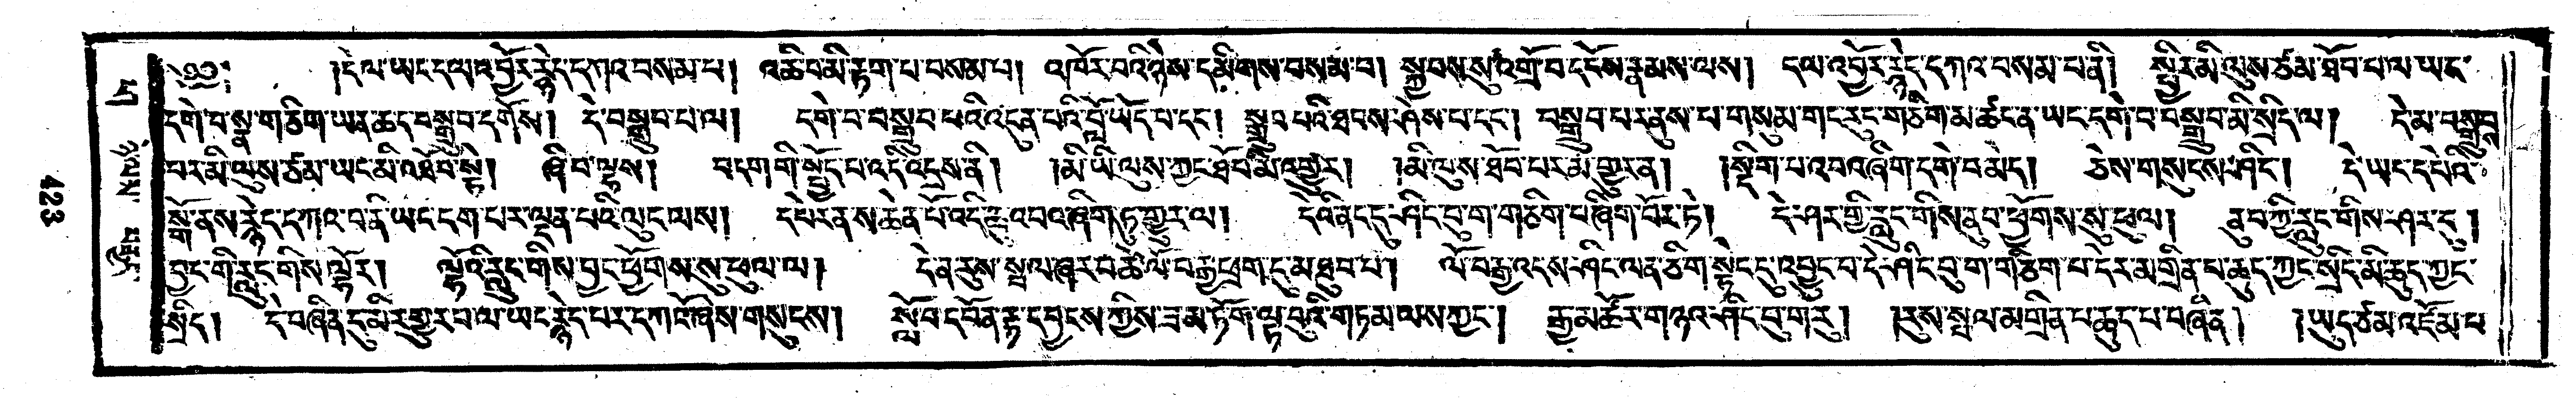༄༅། །དེ་ལ་ཡང་དལ་འབྱོར་རྙེད་དཀའ་བསམ་པ། འཆི་བ་མི་རྟག་པ་བསམ་པ། འཁོར་བའི་ཉེས་དམིགས་བསམ་པ། སྐྱབས་སུ་འགྲོ་བ་དངོས་རྣམས་ལས། དལ་འབྱོར་རྙེད་དཀའ་བསམ་པ་ནི། སྤྱིར་མི་ལུས་ཙམ་ཐོབ་པ་ལ་ཡང་
དགེ་བ་སྣ་གཅིག་ཡན་ཆད་བསྒྲུབ་དགོས། དེ་བསྒྲུབ་པ་ལ། དགེ་བ་བསྒྲུབ་པའི་འདུན་པའི་བློ་ཡོད་པ་དང་། སྒྲུབ་པའི་ཐབས་ཤེས་པ་དང་། བསྒྲུབ་པར་ནུས་པ་གསུམ་གང་རུང་གཅིག་མ་ཚང་ན་ཡང་དགེ་བ་བསྒྲུབ་མི་སྲིད་ལ། དེ་མ་བསྒྲུབས་
པར་མི་ལུས་ཙམ་ཡང་མི་འཐོབ་སྟེ། ཞི་བ་ལྷས། བདག་གི་སྤྱོད་པ་འདི་འདྲས་ནི། །མི་ཡི་ལུས་ཀྱང་ཐོབ་མི་འགྱུར། །མི་ལུས་ཐོབ་པར་མ་གྱུར་ན། །སྡིག་པ་འབའ་ཞིག་དགེ་བ་མེད། ཅེས་གསུངས་ཤིང་། དེ་ཡང་དཔེའི་
སྒོ་ནས་རྙེད་དཀའ་བ་ནི་ཡང་དག་པར་ལྡན་པའི་ལུང་ལས། དཔེར་ན་ས་ཆེན་པོ་འདི་ཆུ་འབའ་ཞིག་ཏུ་གྱུར་ལ། དེའི་ནང་དུ་ཤིང་བུ་ག་གཅིག་པ་ཞིག་བོར་ཏེ། དེ་ཤར་གྱི་རླུང་གྱིས་ནུབ་ཕྱོགས་སུ་ཕུལ། ནུབ་ཀྱི་རླུང་གིས་ཤར་དུ།
བྱང་གི་རླུང་གིས་ལྷོར། ལྷོའི་རླུང་གིས་བྱང་ཕྱོགས་སུ་ཕུལ་ལ། དེ་ན་རུས་སྦལ་ཞར་བ་ཚེ་ལོ་བརྒྱ་ཕྲག་དུ་མཐུབ་པ། ལོ་བརྒྱ་འདས་ཤིང་ལན་ཅིག་སྟེང་དུ་འབྱུང་བ་དེ་ཤིང་བུ་ག་གཅིག་པ་དེར་མགྲིན་པ་ཆུད་ཀྱང་སྲིད་མི་ཆུད་ཀྱང་
སྲིད། དེ་བཞིན་དུ་མིར་གྱུར་བ་ལ་ཡང་རྙེད་པར་དཀའོ་ཞེས་གསུངས། སློབ་དཔོན་རྟ་དབྱངས་ཀྱིས་ཟམ་ཏོག་ལྟ་བུའི་གཏམ་ལས་ཀྱང་། རྒྱ་མཚོར་གཉའ་ཤིང་བུ་ག་རུ། །རུས་སྤལ་མགྲིན་པ་ཆུད་པ་བཞིན། །ཡུད་ཙམ་འཛོམ་པ་